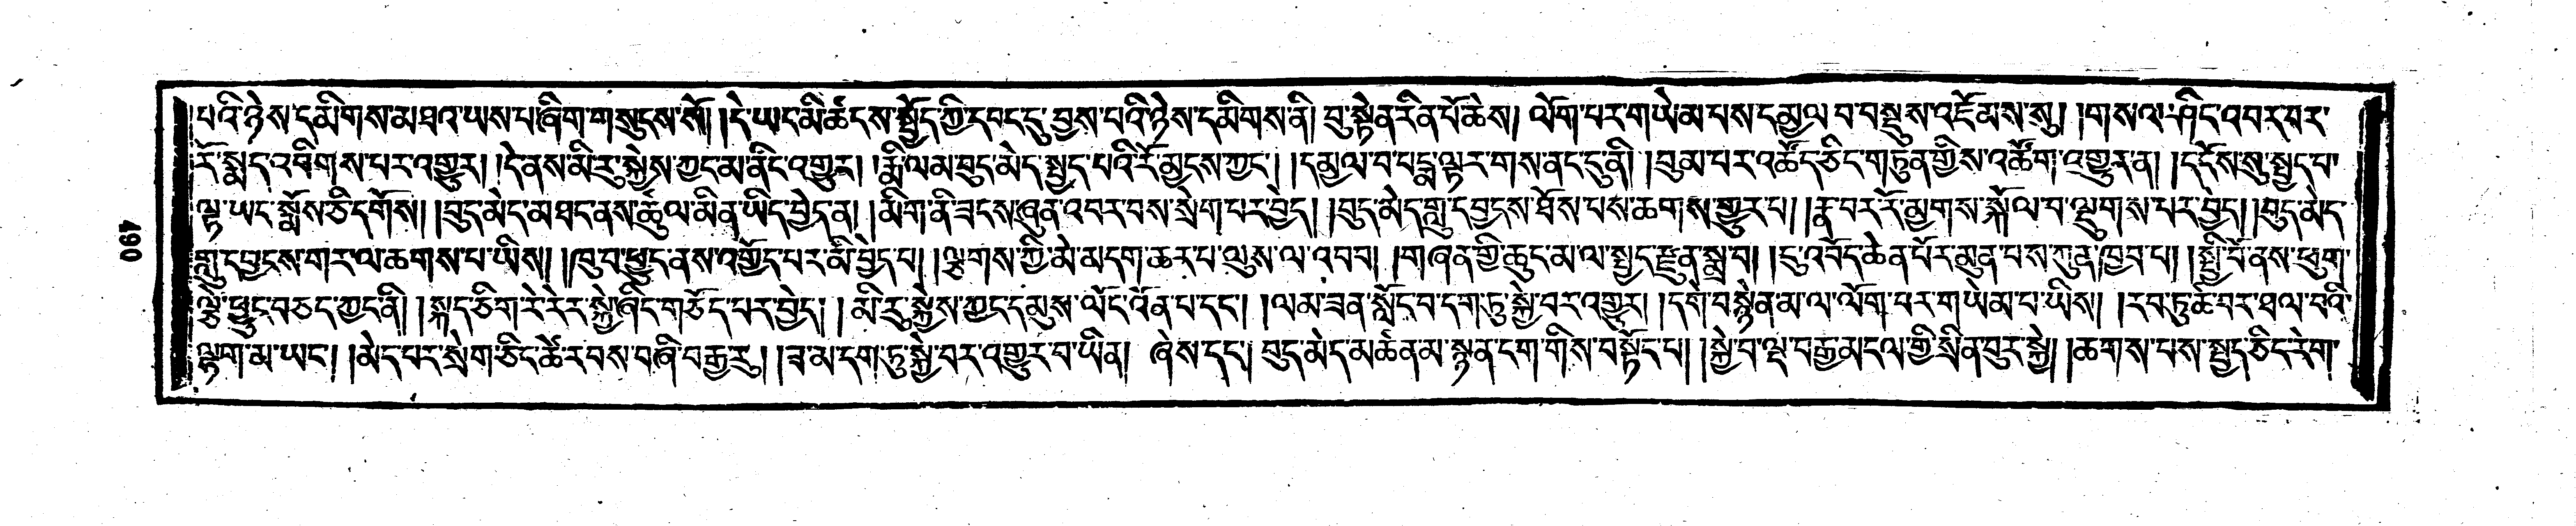པའི་ཉེས་དམིགས་མཐའ་ཡས་པ་ཞིག་གསུངས་སོ། །དེ་ཡང་མི་ཚངས་སྤྱོད་ཀྱི་དབང་དུ་བྱས་པའི་ཉེས་དམིགས་ནི། བུ་སྟོན་རིན་པོ་ཆེས། ལོག་པར་གཡེམ་པས་དམྱལ་བ་བསྡུས་འཇོམས་སུ། །གསལ་ཤིང་འབར་བར་
རོ་སྨད་འབིགས་པར་འགྱུར། །དེ་ནས་མི་རུ་སྐྱེས་ཀྱང་མ་ནིང་འགྱུར། །རྨི་ལམ་བུད་མེད་སྤྱད་པའི་རོ་མྱངས་ཀྱང་། །དམྱལ་བ་པདམ་ལྟར་གས་ནང་དུ་ནི། །བུམ་པར་འཚོད་ཅིང་གཏུན་གྱིས་འཚོག་འགྱུར་ན། །དངོས་སུ་སྤྱད་པ་
ལྟ་ཡང་སྨོས་ཅི་དགོས། །བུད་མེད་མཐོང་ནས་ཚུལ་མིན་ཡིད་བྱེད་ན། །མིག་ནི་ཟངས་ཞུན་འབར་བས་སྲེག་པར་བྱེད། །བུད་མེད་གླུ་དབྱངས་ཐོས་པས་ཆགས་གྱུར་པ། །རྣ་བར་རོ་མྱགས་སྐོལ་བ་ལྡུགས་པར་བྱེད། །བུད་མེད་
གླུ་དབྱངས་གར་ལ་ཆགས་པ་ཡིས། །ཁུ་བ་ཕྱུང་ནས་འགྱོད་པར་མི་བྱེད་པ། །ལྕགས་ཀྱི་མེ་མདག་ཆར་པ་ལུས་ལ་འབབ། །གཞན་གྱི་ཆུང་མ་ལ་སྤྱད་རྫུན་སྨྲ་བ། །ངུ་འབོད་ཆེན་པོར་མུན་པས་ཀུན་ཁྱབ་པ། །སྤྱི་བོ་ནས་ཕུག་
ལྕེ་ཕྱུང་བཅད་ཀྱང་ནི། །སྐད་ཅིག་རེ་རེར་སྐྱེ་ཞིང་གཅོད་པར་བྱེད། །མི་རུ་སྐྱེས་ཀྱང་དམུས་ལོང་འོན་པ་དང་། །ལམ་ཟན་སློང་བ་དག་ཏུ་སྐྱེ་བར་འགྱུར། །དགེ་བསྙེན་མ་ལ་ལོག་པར་གཡེམ་པ་ཡིས། །རབ་ཏུ་ཆེ་བར་ཐལ་བའི་
ལྷག་མ་ཡང་། །མེད་པར་སྲེག་ཅིང་ཚེ་རབས་བཞི་བརྒྱ་རུ། །ཟ་མ་དག་ཏུ་སྐྱེ་བར་འགྱུར་བ་ཡིན། ཞེས་དང་། བུད་མེད་མཚན་མ་སྙན་ངག་གིས་བསྟོད་པ། །སྐྱེ་བ་ལྔ་བརྒྱ་མངལ་གྱི་སྲིན་བུར་སྐྱེ། །ཆགས་པས་སྤྱད་ཅིང་རེག་